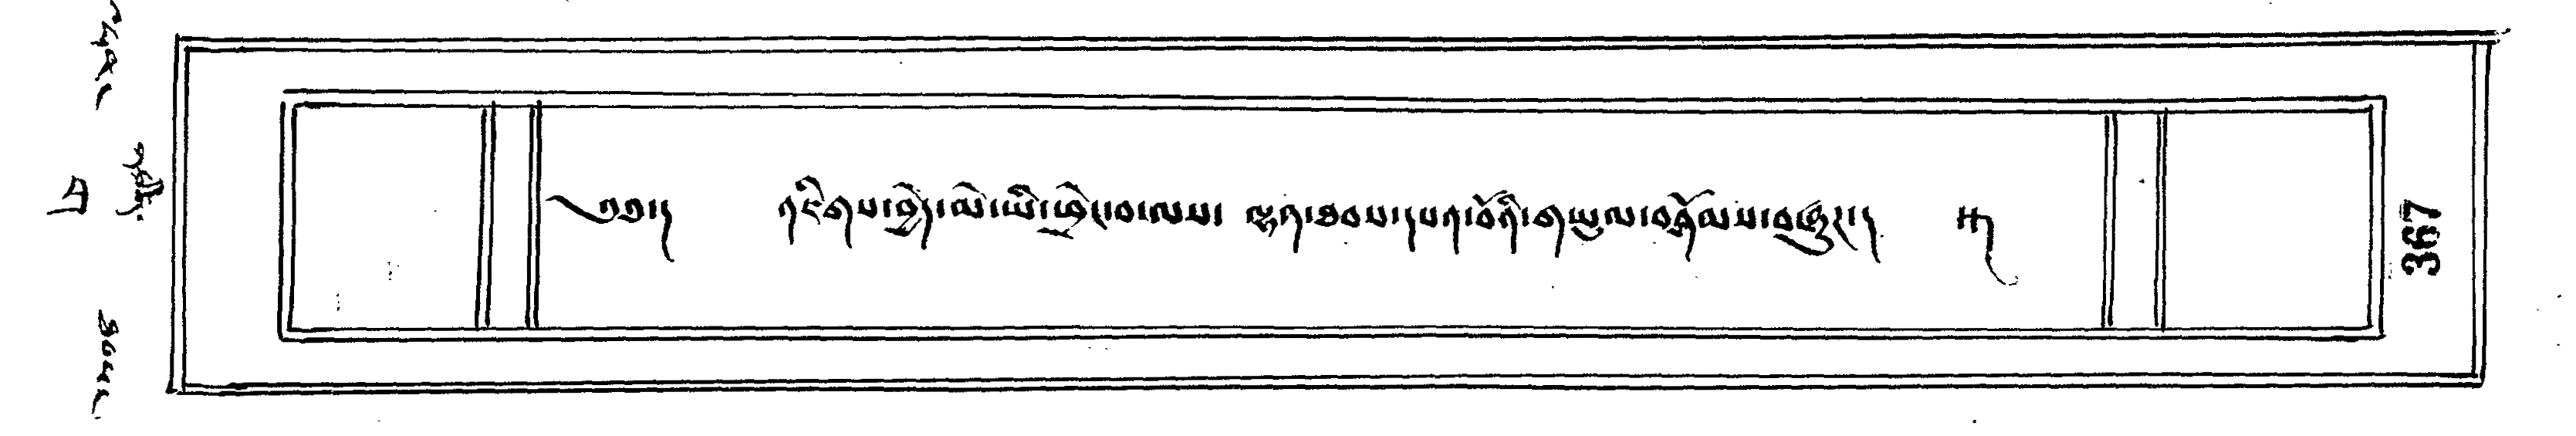༄༅། འཇིགས་བྱེད་མེ་ཡི་ཕྲེང་བ་ལས། ལྷན་ཐབས་དཔའ་བོའི་གཡུལ་བཤོམས་བཞུགས།།